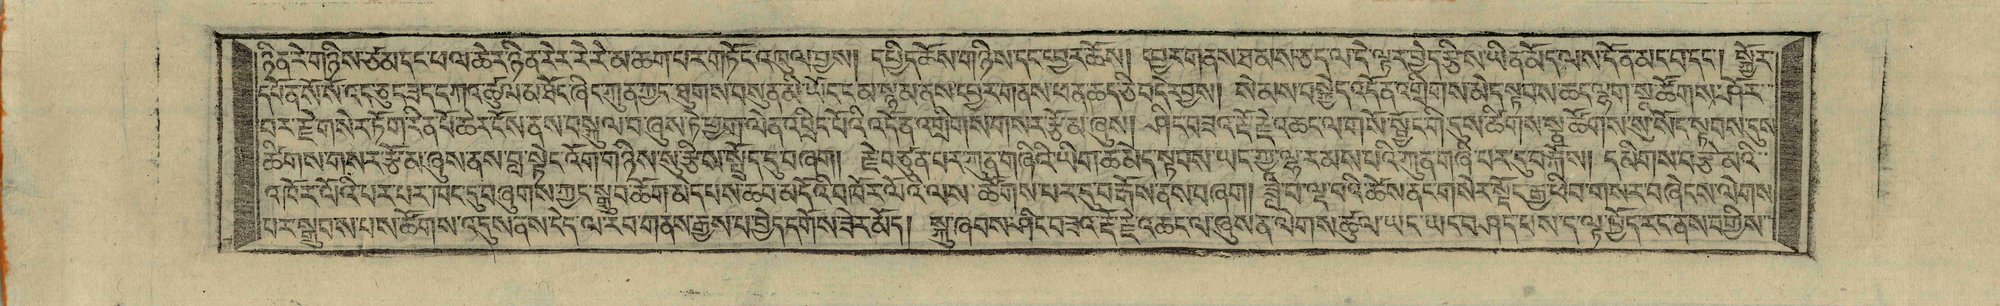ཉིན་རེ་གཉིས་ཙམ་དང་ཕལ་ཆེར་ཉིན་རེར་རེ་རེ་མ་ཆག་པར་གཏོང་འཁུལ་བྱས། དཔྱིད་ཆོས་གཉིས་དང་དབྱར་ཆོས། དབྱར་གནས་ཐམས་ཅད་ལ་དེ་ལྟར་བྱེད་རྩིས་ཡིན་མོད་ལས་དོན་མང་བ་དང་། སྐྱོར་
དཔོན་སོ་སོ་འང་ཅུང་ཟད་དཀའ་ཚུལ་མཐོང་ཞིང་ཀུན་ཀྱང་ཐུགས་བསུན་མི་ཡོང་ངམ་སྙམ་ནས་དབྱར་གནས་ཕན་ཆད་ཅི་བདེར་བྱས། སེམས་བསྐྱེད་འདོན་འགྲིགས་མེད་སྟབས་ཆད་ལྷག་སྣ་ཚོགས་ཤོར་
བར་རྗེ་གསེར་ཏོག་རིན་པོ་ཆེར་ངོས་ནས་བསྐུལ་བ་ཞུས་ཏེ་ཕྱག་ལེན་འབྲིང་པོའི་འདོན་འགྲིགས་གསར་རྩོམ་ཞུས། ཤིང་བཟའ་རྡོ་རྗེ་འཆང་ལ་གསོ་སྦྱོང་གི་དུས་ཚིགས་སྣ་ཚོགས་སུ་སོང་སྟབས་དུས་
ཚིགས་གསར་རྩོམ་ཞུས་ནས་བླ་སྟེང་འོག་གཉིས་སུ་རྩིས་སྤྲོད་དུ་བཞག །རྗེ་བཙུན་པར་ཀུན་གཞིའི་ཡིག་ཆ་མེད་སྟབས་ཡང་ཀྱཱ་ལྷ་རམས་པའི་ཀུན་གཞི་པར་དུ་བརྐོས། དམིགས་བརྩེ་མའི་
འཁོར་ལོའི་པར་པར་ཁང་དུ་བཞུགས་ཀྱང་སྒྲུབ་ཆོག་མེད་པས་ཆབ་མདོའི་འཁོར་ལོའི་ལས་ཚོགས་པར་དུ་བརྒོས་ནས་བཞག །ཟླ་བ་ལྔ་པའི་ཚེས་ནང་གསེར་སྡོང་རྒྱ་ཕིབ་གསར་བཞེངས་ལེགས་
པར་སྒྲུབས་པས་ཚོགས་འདུས་ནས་ངེད་ལ་རབ་གནས་རྒྱས་བ་བྱེད་དགོས་ཟེར་མོད། སྐུ་ཞབས་ཤིང་བཟའ་རྡོ་རྗེ་འཆང་ལ་ཞུས་ན་ལེགས་ཚུལ་ཡང་ཡང་བཤད་པས་ད་ལྟ་ཁྱོད་རང་ནས་བགྱིས་